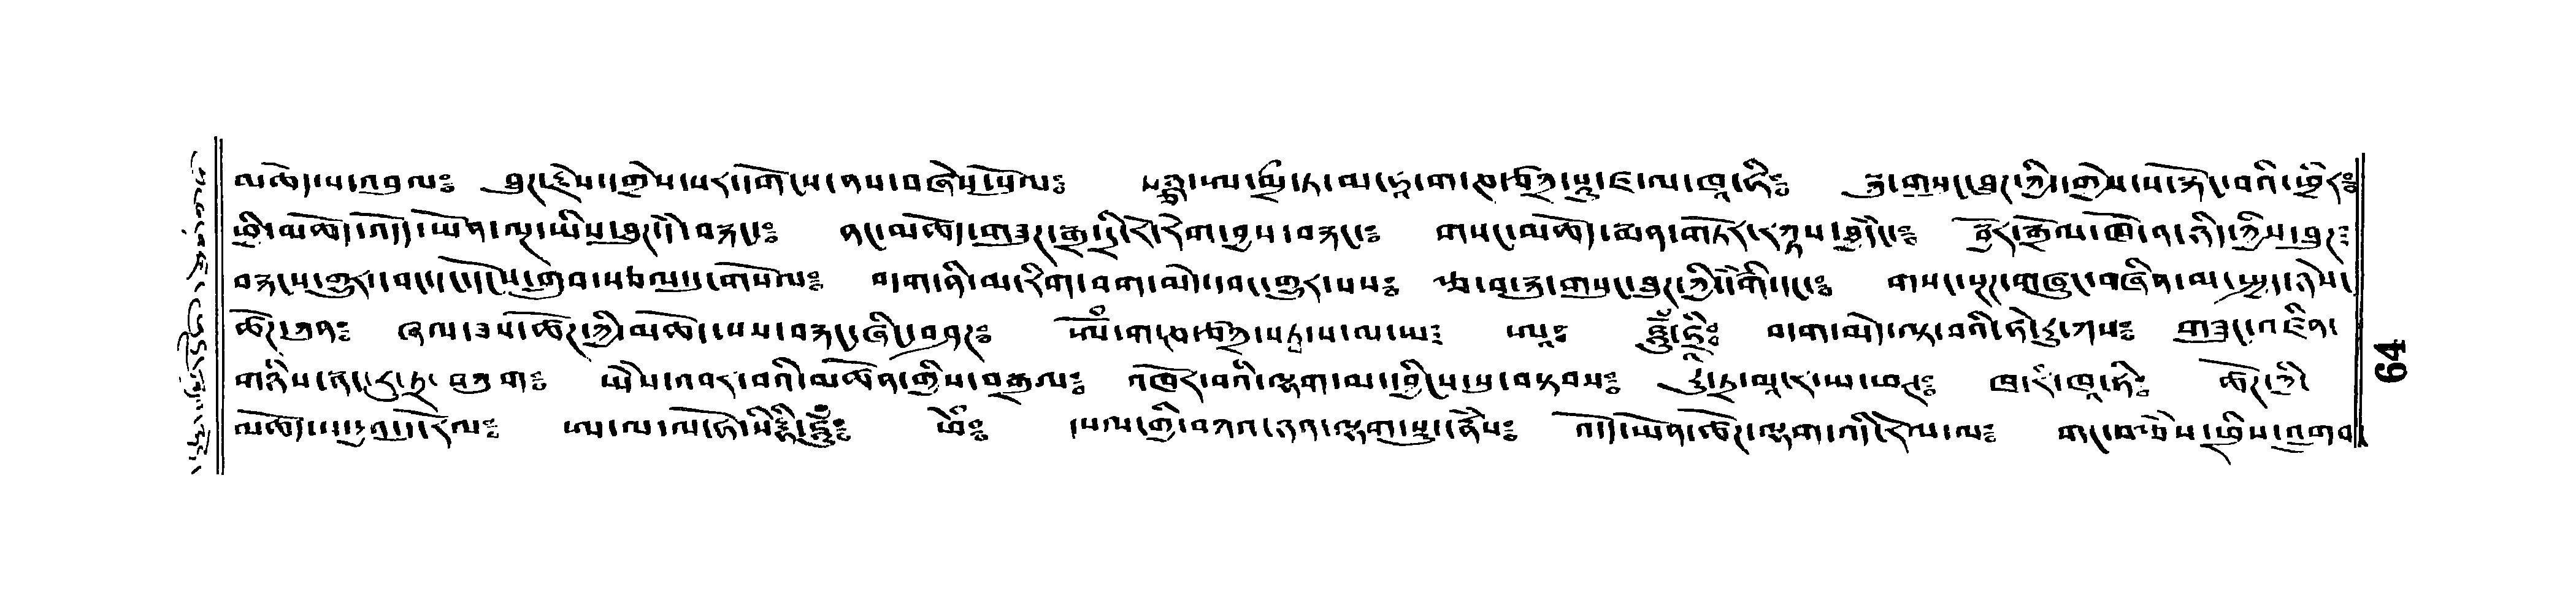མཆོད་པ་འབུལ༔ ཐུགས་རྗེས་དགྱེས་པར་དགོངས་ནས་བཞེས་སུ་གསོལ༔ པཉྩ་ཨ་མྲྀ་ཏ་མ་ཧཱ་ག་ཎ་ཙཀྲ་པཱུ་ཛ་ལ་ཁཱ་ཧི༔ སྐུ་གསུང་ཐུགས་ཀྱི་དགྱེས་པ་སྐོང་བའི་ཕྱིར༔ 
ཕྱི་མཆོད་འདོད་ཡོན་ལྔ་ཡིས་ཐུགས་དམ་བསྐང༔ ནང་མཆོད་གཟུགས་སྒྲ་དྲི་རོ་རེག་བྱས་བསྐང༔ གསང་མཆོད་སྨན་གཏོར་རཀྟས་ཐུགས་དམ་བསྐང༔ སྦྱོར་སྒྲོལ་ཁོ་ན་ཉིད་ཀྱིས་ཐུགས༴ 
བསྐང་གྱུར་དབང་དང་དངོས་གྲུབ་བསྩལ་དུ་གསོལ༔ བདག་ནི་མ་རིག་བག་མེད་དབང་གྱུར་པས༔ རྩ་བ་སྐུ་གསུང་ཐུགས་ཀྱི་དམ་ཚིག་དང༔ གསང་སྔགས་གཞུང་བཞིན་མ་སྤྱད་ཉེས་
ཚོགས་ཀུན༔ ཞལ་ཟས་ཚོགས་ཀྱི་མཆོད་པས་བསྐང་ཞིང་བཤགས༔ ཨོཾ་ག་ཎ་ཙཀྲ་སཏྭ་ས་མ་ཡ་ནས་ཨཱཿབར༔ ཧཱུྃ་ཧྲཱིཿ བདག་མེད་ལྟ་བའི་ཧེ་རུ་ཀས༔ གཟུང་འཛིན་
གཉིས་སྣང་རུ་ཏྲ་བཀུག༔ ཡེ་ཤེས་འབར་བའི་མཚོན་གྱིས་བསྒྲལ༔འཁོར་བའི་ལྷག་མ་དབྱིངས་སུ་བསྟབས༔ རུ་ཏྲ་མཱ་ར་ཡ་ཕཊཿ ཁ་རཾ་ཁཱ་ཧིཿ ཚོགས་ཀྱི་
མཆོད་པ་རྒྱན་དུ་རོལ༔ ཨ་ལ་ལ་ཧོ་སིདྡྷི་ཧཱུྃ༔ ཕེཾ༔ དཔལ་གྱི་བཀའ་ཉན་ལྷག་སྡུད་རྣམས༔ འདོད་ཡོན་ཚོགས་ལྷག་འདི་རོལ་ལ༔ གང་བརྩམས་ཕྲིན་ལས་འགྲུབ་